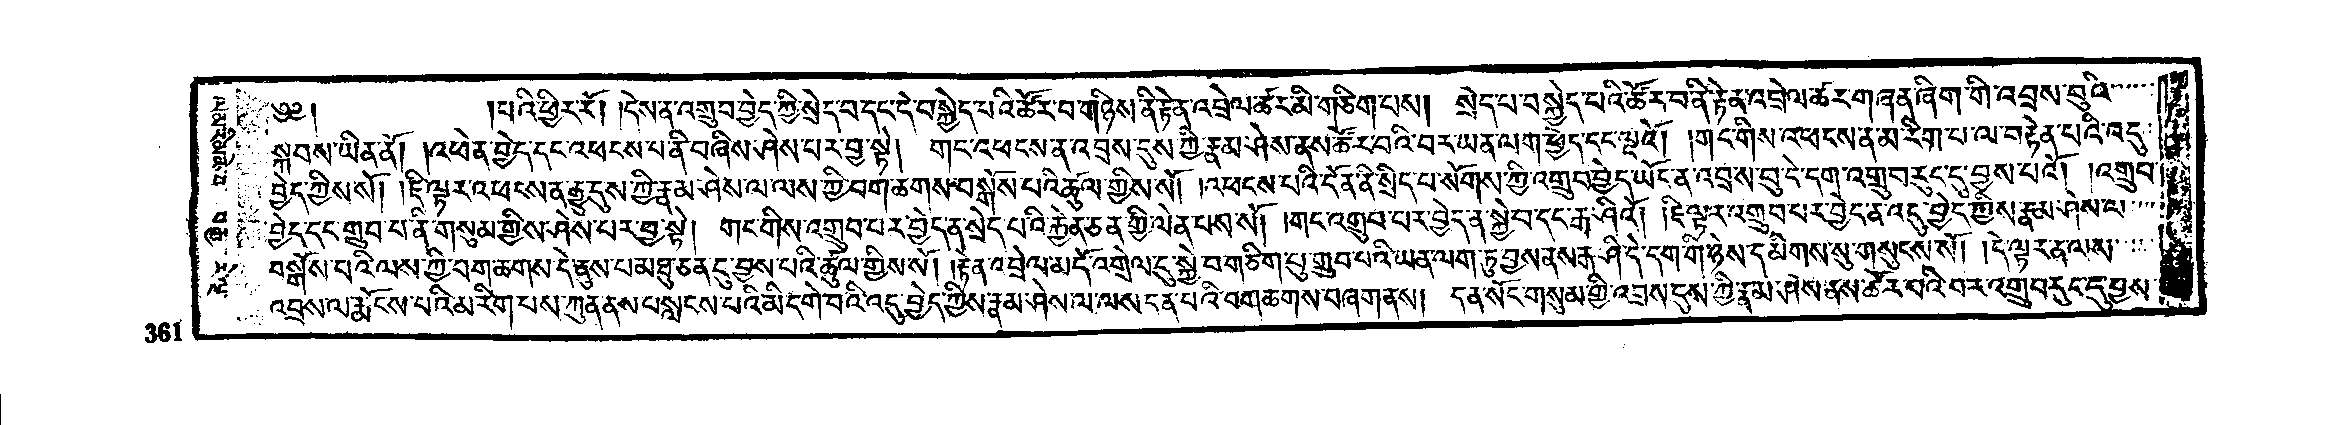༄༅། །པའི་ཕྱིར་རོ། །དེས་ན་འགྲུབ་བྱེད་ཀྱི་སྲེད་པ་དང་དེ་བསྐྱེད་པའི་ཚོར་བ་གཉིས་ནི་རྟེན་འབྲེལ་ཚར་མི་གཅིག་པས། སྲེད་པ་བསྐྱེད་པའི་ཚོར་བ་ནི་རྟེན་འབྲེལ་ཚར་གཞན་ཞིག་གི་འབྲས་བུའི་
སྐབས་ཡིན་ནོ། །འཕེན་བྱེད་དང་འཕངས་པ་ནི་བཞིས་ཤེས་པར་བྱ་སྟེ། གང་འཕངས་ན་འབྲས་དུས་ཀྱི་རྣམ་ཤེས་ནས་ཚོར་བའི་བར་ཡན་ལག་ཕྱེད་དང་ལྔའོ། །གང་གིས་འཕངས་ན་མ་རིག་པ་ལ་བརྟེན་པའི་འདུ་
བྱེད་ཀྱིས་སོ། །ཇི་ལྟར་འཕངས་ན་རྒྱུ་དུས་ཀྱི་རྣམ་ཤེས་ལ་ལས་ཀྱི་བག་ཆགས་བསྒོས་པའི་ཚུལ་གྱིས་སོ། །འཕངས་པའི་དོན་ནི་སྲེད་པ་སོགས་ཀྱི་འགྲུབ་བྱེད་ཡོད་ན་འབྲས་བུ་དེ་དག་འགྲུབ་རུང་དུ་བྱས་པའོ། །འགྲུབ་
བྱེད་དང་གྲུབ་པ་ནི་གསུམ་གྱིས་ཤེས་པར་བྱ་སྟེ། གང་གིས་འགྲུབ་པར་བྱེད་ན་སྲེད་པའི་རྐྱེན་ཅན་གྱི་ལེན་པས་སོ། །གང་འགྲུབ་པར་བྱེད་ན་སྐྱེ་བ་དང་རྒ་ཤིའོ། །ཇི་ལྟར་འགྲུབ་པར་བྱེད་ན་འདུ་བྱེད་ཀྱིས་རྣམ་ཤེས་ལ་
བསྒོས་པའི་ལས་ཀྱི་བག་ཆགས་དེ་ནུས་པ་མཐུ་ཅན་དུ་བྱས་པའི་ཚུལ་གྱིས་སོ། །རྟེན་འབྲེལ་མདོ་འགྲེལ་དུ་སྐྱེ་བ་གཅིག་པུ་གྲུབ་པའི་ཡན་ལག་ཏུ་བྱས་ནས་རྒ་ཤི་དེ་དག་གི་ཉེས་དམིགས་སུ་གསུངས་སོ། །དེ་ལྟར་ན་ལས་
འབྲས་ལ་རྨོངས་པའི་མ་རིག་པས་ཀུན་ནས་བསླངས་པའི་མི་དགེ་བའི་འདུ་བྱེད་ཀྱིས་རྣམ་ཤེས་ལ་ལས་ངན་པའི་བག་ཆགས་བཞག་ནས། ངན་སོང་གསུམ་གྱི་འབྲས་དུས་ཀྱི་རྣམ་ཤེས་ནས་ཚོར་བའི་བར་འགྲུབ་རུང་དུ་བྱས་